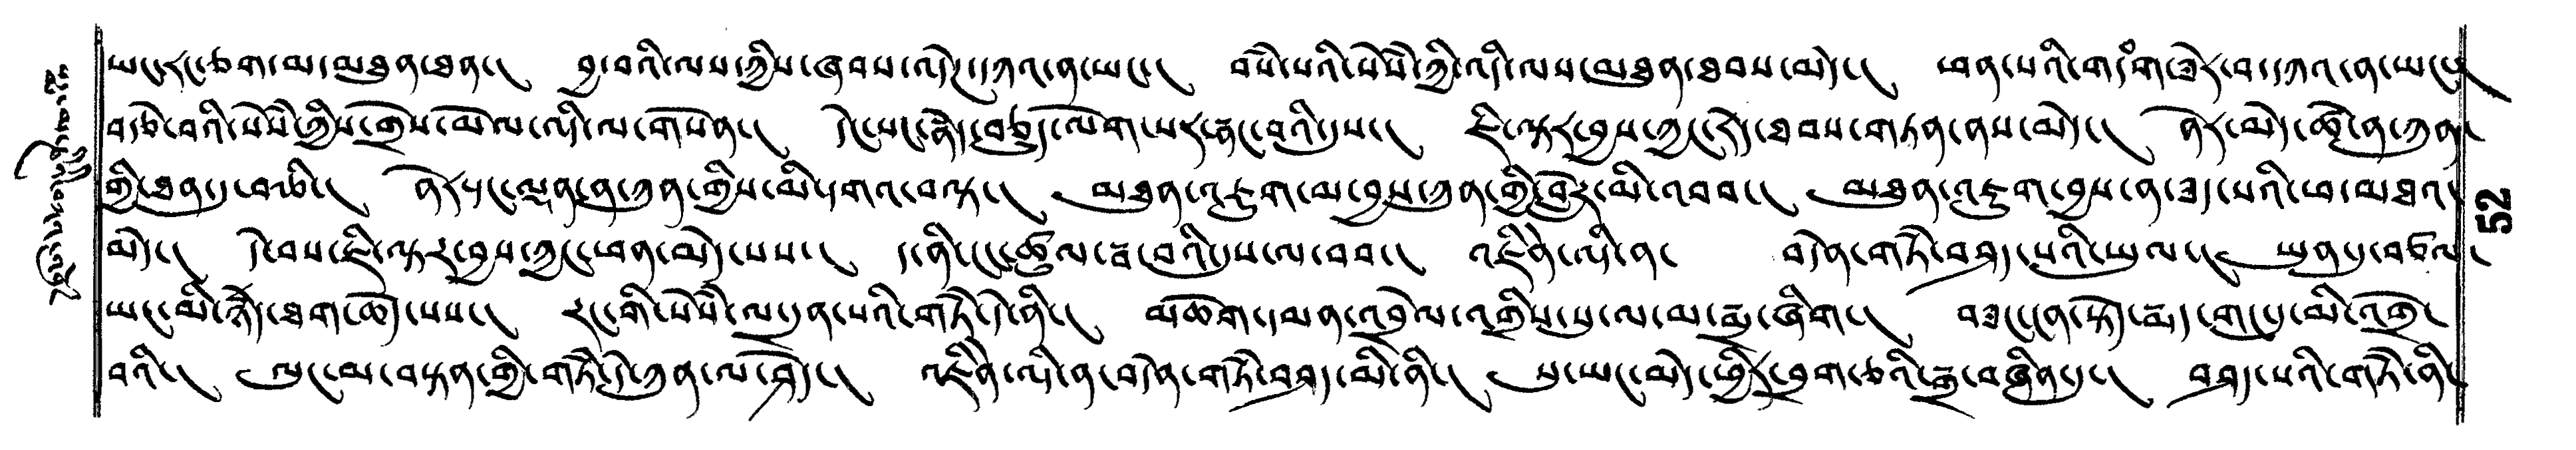ཡང་རང་ཅག་མ་མཐུན་ཐན། །བྱ་བ་ལས་ཀྱིས་ཞབས་འདེགས་དཀའ་ན་ཡང་། །བསམ་པའི་སེམས་ཀྱི་འདི་ལས་མཐུན་ཐབས་མེད། །ཕན་པའི་གདམ་ངག་ཟེར་བ་དཀའ་ན་ཡང་། །
བརྩེ་བའི་སེམས་ཀྱིས་གྲོས་མོལ་འདི་ལ་གསོན། །དེང་སང་སྣོད་བཅུད་ལོག་པར་སྣང་བའི་དུས། །ཇི་ལྟར་བྱས་ཀྱང་རེད་ཐབས་གཏན་ནས་མེད། །ནོར་མེད་ཚེ་ན་ཀུན་
གྱི་ཐན་དུ་བརྩི། །ནོར་དང་ལྡན་ན་ཀུན་གྱིས་མི་དགའ་བལྟ། །མཐུན་འཇུག་མ་བྱས་ཀུན་གྱི་བློར་མི་འབབ། །མཐུན་འཇུག་བྱས་ན་ཟད་པའི་ཕ་མཐའ་
མེད། །དེ་བས་ཇི་ལྟར་བྱས་ཀྱང་ཕན་མེད་པས། །ད་ནི་ངང་ཚུལ་སྦ་བའི་དུས་ལ་བབ། །འཇིག་རྟེན་འདི་ན་བདེན་གཏམ་བཤད་པའི་ཡུལ། །ཡུན་དུ་བཙལ་
ཡང་མི་རྙེད་ཐག་ཆོད་པས། །རང་གི་སེམས་ལ་དྲན་པའི་གཏམ་དེ་ནི། །མཆོག་དམན་འབྲེལ་འདྲིས་སུ་ལ་མ་སྨྲ་ཞིག།བཟང་ངན་སྟོད་སྨད་གང་དུ་མི་འགྲོ་
བའི། །ལུང་མ་བསྟན་གྱི་གཏམ་དེ་ཀུན་ལ་ཤོད། །འཇིག་རྟེན་འདི་ན་བདེན་གཏམ་བཤད་མི་ནི། །སུ་ཡང་མེད་ཕྱིར་བྲག་ཅའི་སྒྲ་བཞིན་དུ། །བཤད་པའི་གཏམ་ནི་